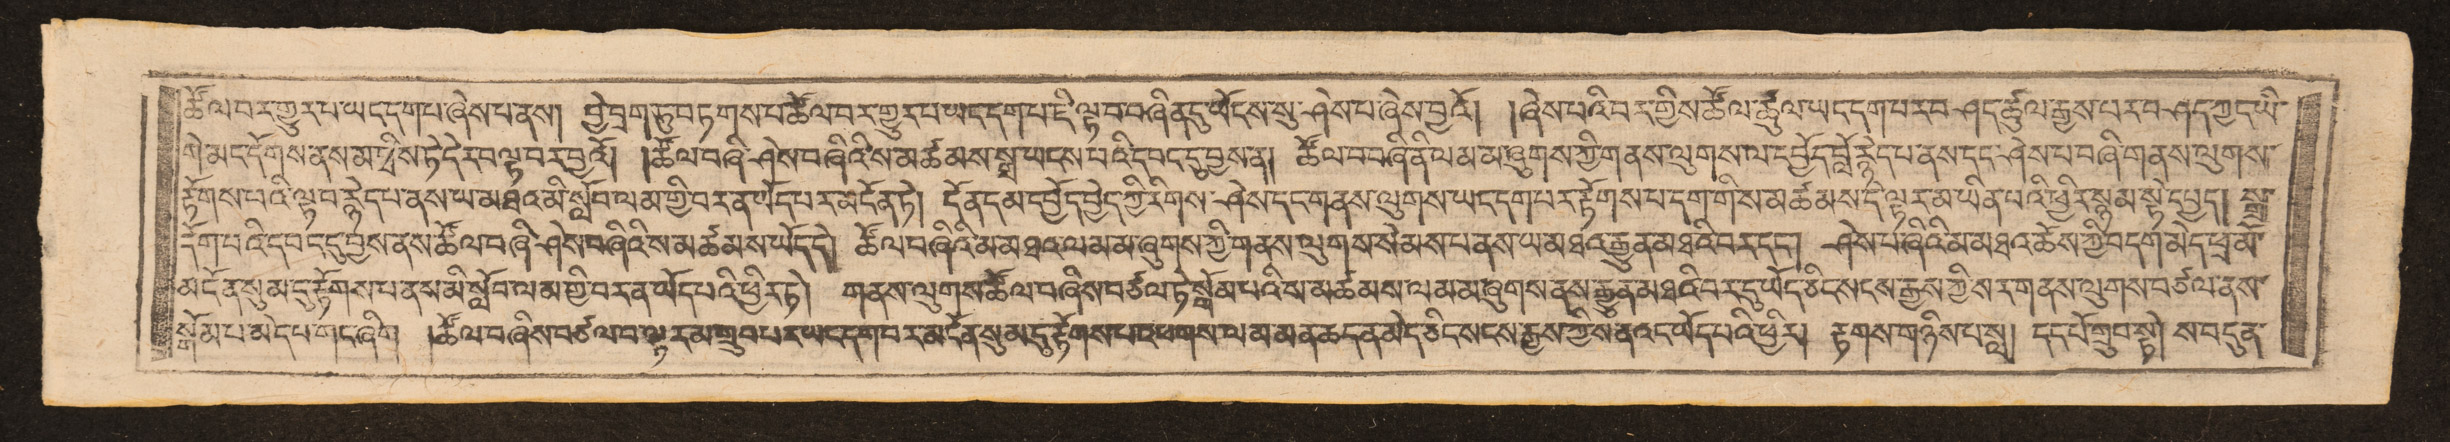ཚོལ་བར་གྱུར་པ་ཡང་དག་པ་ཞེས་པ་ནས། བྱེ་བྲག་ཏུ་བཏགས་པ་ཚོལ་བར་གྱུར་པ་ཡང་དག་པ་ཇི་ལྟ་བ་བཞིན་དུ་ཡོངས་སུ་ཤེས་པ་ཞེས་བྱའོ། །ཞེས་པའི་བར་གྱིས་ཚོལ་ཚུལ་ཡང་དག་པར་བཤད་ཚུལ་རྒྱས་པར་བཤད་ཀྱང་ཡི་
གེ་མང་དོགས་ནས་མ་བྲིས་ཏེ་དེར་བལྟ་བར་བྱའོ། །ཚོལ་བཞི་ཤེས་བཞིའི་ས་མཚམས་སྒྲ་ཡངས་པའི་དབང་དུ་བྱས་ན། ཚོལ་བ་བཞི་ནི་ལམ་མ་ཞུགས་ཀྱི་གནས་ལུགས་ལ་དཔྱོད་བློ་རྙེད་པ་ནས་དང་ཤེས་པ་བཞི་གནས་ལུགས་
རྟོགས་པའི་ལྟ་བ་རྙེད་པ་ནས་ཡ་མཐའ་མི་སློབ་ལམ་གྱི་བར་ན་ཡོད་པར་མངོན་ཏེ། དོན་དམ་དཔྱོད་བྱེད་ཀྱི་རིགས་ཤེས་དང་གནས་ལུགས་ཡང་དག་པར་རྟོགས་པ་དག་གིས་མཚམས་དེ་ལྟར་མ་ཡིན་པའི་ཕྱིར་སྙམ་སྟེ་དཔྱད། སྒྲ་
དོག་པའི་དབང་དུ་བྱས་ནས་ཚོལ་བཞི་ཤེས་བཞིའི་ས་མཚམས་ཡོད་དེ། ཚོལ་བཞིའི་མ་མཐའ་ལམ་མ་ཞུགས་ཀྱི་གནས་ལུགས་སེམས་པ་ནས་ཡ་མཐའ་རྒྱུན་མཐའི་བར་དང་། ཤེས་པ་ཞིའི་མ་མཐའ་ཆོས་ཀྱི་བདག་མེད་ཕྲ་མོ་
མངོན་སུམ་དུ་རྟོགས་པ་ནས་མི་སློབ་ལམ་གྱི་བར་ན་ཡོད་པའི་ཕྱིར་ཏེ། གནས་ལུགས་ཚོལ་བཞིས་བཙལ་ཏེ་སྒོམ་པའི་ས་མཚམས་ལམ་མ་ཞུགས་ནས་རྒྱུན་མཐའི་བར་དུ་ཡོད་ཅིང་སངས་རྒྱས་ཀྱི་སར་གནས་ལུགས་བཙལ་ནས་
སྒོམ་པ་མེད་པ་གང་ཞིག །ཚོལ་བ་ཞིས་བཙལ་བ་ལྟར་མ་གྲུབ་པར་ཡང་དག་པར་མངོན་སུམ་དུ་རྟོགས་པ་འཕགས་ལམ་མན་ཆད་ན་མེད་ཅིང་སངས་རྒྱས་ཀྱིས་ནའང་ཡོད་པའི་ཕྱིར། རྟགས་གཉིས་པ་སླ། དང་པོ་གྲུབ་སྟེ། ས་བདུན་